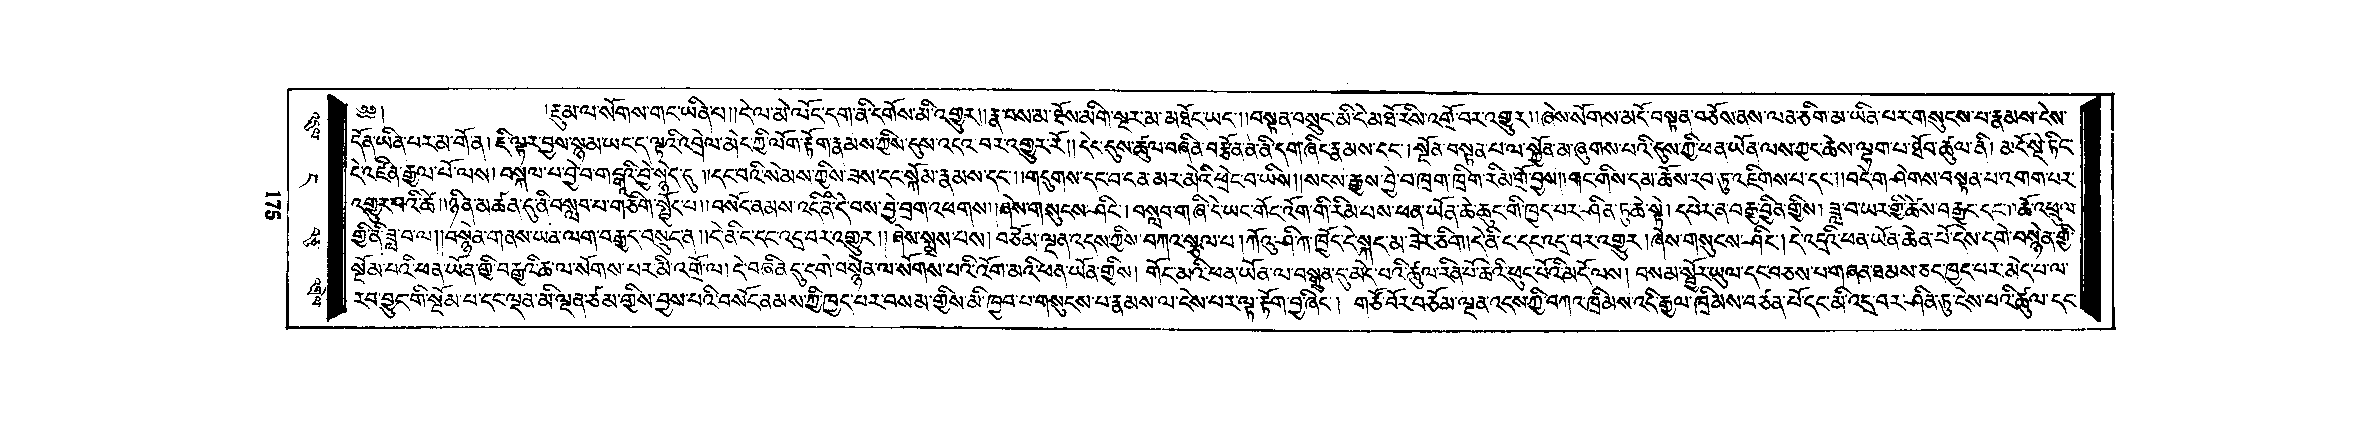༄༅། །རྔུམ་ལ་སོགས་གང་ཡིན་པ། །དེ་ལ་མེ་ལོང་དག་ནི་དགོས་མི་འགྱུར། །རྣ་བས་མ་ཐོས་མིག་སྔར་མ་མཐོང་ཡང་། །བསྟན་བསྲུང་མི་དེ་མཐོ་རིས་འགྲོ་བར་འགྱུར། །ཞེས་སོགས་མདོ་བསྟན་བཅོས་ནས་ལན་ཅིག་མ་ཡིན་པར་གསུངས་པ་རྣམས་ངེས་
དོན་ཡིན་པར་མ་གོ་ན། ཇི་ལྟར་བྱས་སྙམ་ཡང་ད་ལྟའི་འབྲེལ་མེད་ཀྱི་ལོག་རྟོག་རྣམས་ཀྱིས་དུས་འདའ་བར་འགྱུར་རོ། །དེང་དུས་ཚུལ་བཞིན་བརྩོན་ན་ནི་དག་ཞིང་རྣམས་དང་། སྔོན་བསྟན་པ་ལ་སྐྱོན་མ་ཞུགས་པའི་དུས་ཀྱི་ཕན་ཡོན་ལས་ཀྱང་ཆེས་ལྷག་པ་ཐོབ་ཚུལ་ནི། མདོ་སྡེ་ཏིང་
ངེ་འཛིན་རྒྱལ་པོ་ལས། བསྐལ་པ་བྱེ་བ་གངྒའི་བྱེ་སྙེད་དུ། །དང་བའི་སེམས་ཀྱིས་ཟས་དང་སྐོམ་རྣམས་དང་། །གདུགས་དང་བ་དན་མར་མེའི་ཕྲེང་བ་ཡིས། །སངས་རྒྱས་བྱེ་བ་ཁྲག་ཁྲིག་རིམ་གྲོ་བྱས། །གང་གིས་དམ་ཆོས་རབ་ཏུ་འཇིགས་པ་དང་། །བདེ་གཤེགས་བསྟན་པ་འགག་པར་
འགྱུར་བའི་ཚེ། །ཉིན་མཚན་དུ་ནི་བསླབ་པ་གཅིག་སྤྱོད་པ། །བསོད་ནམས་འདི་ནི་དེ་བས་བྱེ་བྲག་འཕགས། །ཞེས་གསུངས་ཤིང་། བསླབ་གཞི་དེ་ཡང་གོང་འོག་གི་རིམ་པས་ཕན་ཡོན་ཆེ་ཆུང་གི་ཁྱད་པར་ཤིན་ཏུ་ཆེ་སྟེ། དཔེར་ན་བརྒྱ་བྱིན་གྱིས། ཟླ་བ་ཡར་གྱི་ཚེས་བརྒྱད་དང་། །ཆོ་འཕྲུལ་
གྱི་ནི་ཟླ་བ་ལ། །བསྙེན་གནས་ཡན་ལག་བརྒྱད་བསྲུང་ན། །དེ་ནི་ང་དང་འདྲ་བར་འགྱུར། །ཞེས་སྨྲས་པས། བཅོམ་ལྡན་འདས་ཀྱིས་བཀའ་སྩལ་པ། ཀོའུ་ཤི་ཀ་ཁྱོད་དེ་སྐད་མ་ཟེར་ཅིག །དེ་ནི་ང་དང་འདྲ་བར་འགྱུར། ཞེས་གསུངས་ཤིང་། དེ་འདྲའི་ཕན་ཡོན་ཆེན་པོ་དེས་དགེ་བསྙེན་གྱི་
སྡོམ་པའི་ཕན་ཡོན་གྱི་བརྒྱའི་ཆ་ལ་སོགས་པར་མི་འགྲོ་ལ། དེ་བཞིན་དུ་དགེ་བསྙེན་ལ་སོགས་པའི་འོག་མའི་ཕན་ཡོན་གྱིས། གོང་མའི་ཕན་ཡོན་ལ་བསྒྲུན་དུ་མེད་པའི་ཚུལ་རིན་པོ་ཆེའི་ཕུང་པོའི་མདོ་ལས། བསམ་སྦྱོར་ཡུལ་དང་བཅས་པ་གཞན་ཐམས་ཅད་ཁྱད་པར་མེད་པ་ལ་
རབ་བྱུང་གི་སྡོམ་པ་དང་ལྡན་མི་ལྡན་ཙམ་གྱིས་བྱས་པའི་བསོད་ནམས་ཀྱི་ཁྱད་པར་བསམ་གྱིས་མི་ཁྱབ་པ་གསུངས་པ་རྣམས་ལ་ངེས་པར་ལྟ་རྟོག་བྱ་ཞིང་། གཙོ་བོར་བཅོམ་ལྡན་འདས་ཀྱི་བཀའ་ཁྲིམས་འདི་རྒྱལ་ཁྲིམས་བཙན་པོ་དང་མི་འདྲ་བར་ཤིན་ཏུ་ངེས་པའི་ཚུལ་དང་